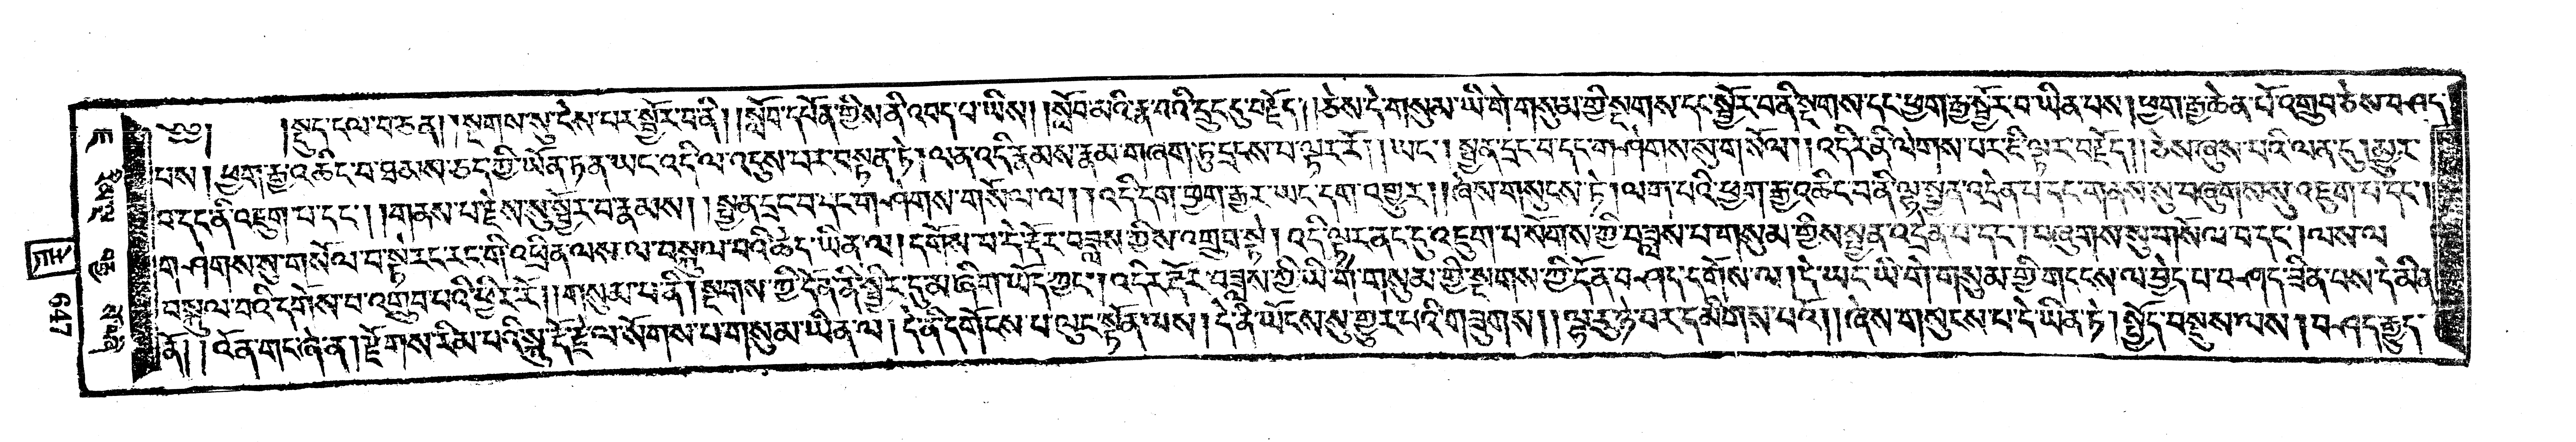༄༅། །སྡུད་དལ་བ་ཅན། །སྔགས་སུ་ངེས་པར་སྦྱོར་བ་ནི། །སློབ་དཔོན་གྱིས་ནི་འབད་པ་ཡིས། །སློབ་མའི་རྣ་བའི་དྲུང་དུ་བརྗོད། །ཅེས་དེ་གསུམ་ཡི་གེ་གསུམ་གྱི་སྔགས་དང་སྦྱོར་བ་ནི་སྔགས་དང་ཕྱག་རྒྱ་སྦྱོར་བ་ཡིན་པས། ཕྱག་རྒྱ་ཆེན་པོ་འགྲུབ་ཅེས་བཤད་
པས། ཕྱག་རྒྱ་འཆིང་བ་ཐམས་ཅད་ཀྱི་ཡོན་ཏན་ཡང་འདི་ལ་འདུས་པར་བསྟན་ཏེ། ལན་འདི་རྣམས་རྣམ་གཞག་ཏུ་དྲངས་པ་ལྟར་རོ། །ཡང་། སྤྱན་དྲང་བ་དང་གཤེགས་སུ་གསོལ། །འདིར་ནི་ལེགས་པར་ཇི་ལྟར་བརྗོད། །ཅེས་ཞུས་པའི་ལན་དུ། མྱུར་
བ་དང་ནི་འཇུག་པ་དང་། །གནས་པ་རྗེས་སུ་སྦྱོར་བ་རྣམས། །སྤྱན་དྲང་བ་དང་གཤེགས་གསོལ་ལ། འདི་དག་ཕྱག་རྒྱར་ཡང་དག་འགྱུར། །ཞེས་གསུངས་ཏེ། ལག་པའི་ཕྱག་རྒྱ་འཆིང་བ་ནི་ལྷ་སྤྱན་འདྲེན་པ་དང་གནས་སུ་བཞུགས་སུ་འཇུག་པ་དང་།
གཤེགས་སུ་གསོལ་བ་སྟེ་རང་རང་གི་འཕྲིན་ལས་ལ་བསྐུལ་བའི་ཆེད་ཡིན་ལ། དགོས་པ་དེ་རྡོར་བཟླས་ཀྱིས་འགྲུབ་སྟེ། འདི་ལྟར་ནང་དུ་འཇུག་པ་སོགས་ཀྱི་བཟླས་པ་གསུམ་གྱིས་སྤྱན་འདྲེན་པ་དང་། བཞུགས་སུ་གསོལ་བ་དང་། ལས་ལ་
བསྐུལ་བའི་དགོས་པ་འགྲུབ་པའི་ཕྱིར་རོ། །གསུམ་པ་ནི། སྔགས་ཀྱི་དོན་ནི་སྤྱིར་དུ་མ་ཞིག་ཡོད་ཀྱང་། འདིར་རྡོར་བཟླས་ཀྱི་ཡི་གེ་གསུམ་གྱི་སྔགས་ཀྱི་དོན་བཤད་དགོས་ལ། དེ་ཡང་ཡི་གེ་གསུམ་གྱི་གདངས་ལ་བྱེད་པ་བཤད་ཟིན་པས་དེ་མིན་
ནོ། །འོ་ན་གང་ཞེ་ན། རྫོགས་རིམ་པའི་སྐུ་རྡོ་རྗེ་ལ་སོགས་པ་གསུམ་ཡིན་ལ། དེ་ནི་དགོངས་པ་ལུང་སྟོན་ལས། དེ་ནི་ཡོངས་སུ་གྱུར་པའི་གཟུགས། །ལྷ་རུ་ཉེ་བར་དམིགས་པའོ། །ཞེས་གསུངས་པ་དེ་ཡིན་ཏེ། སྤྱོད་བསྡུས་ལས། བཤད་རྒྱུད་